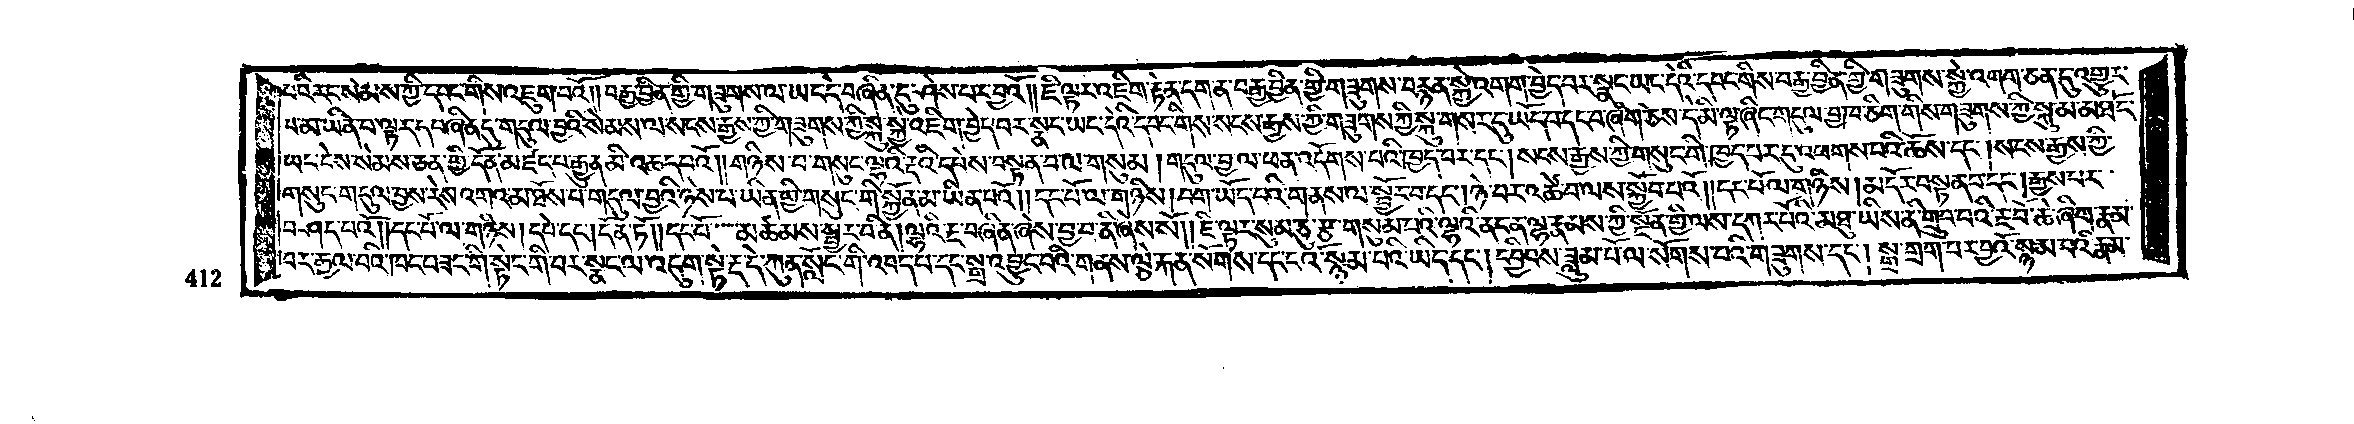པའི་རང་སེམས་ཀྱི་དབང་གིས་འཇུག་པའོ། །བརྒྱ་བྱིན་གྱི་གཟུགས་ལ་ཡང་དེ་བཞིན་དུ་ཤེས་པར་བྱའོ། །ཇི་ལྟར་འཇིག་རྟེན་དག་ན་བརྒྱ་བྱིན་གྱི་གཟུགས་བརྙན་སྐྱེ་འགག་བྱེད་པར་སྣང་ཡང་དེའི་དབང་གིས་བརྒྱ་བྱིན་གྱི་གཟུགས་སྐྱེ་འགག་ཅན་དུ་འགྱུར་
བ་མ་ཡིན་པ་ལྟར་དེ་བཞིན་དུ་གདུལ་བྱའི་སེམས་ལ་སངས་རྒྱས་ཀྱི་གཟུགས་ཀྱི་སྐུ་སྐྱེ་འཇིག་བྱེད་པར་སྣང་ཡང་དེའི་དབང་གིས་སངས་རྒྱས་ཀྱི་གཟུགས་ཀྱི་སྐུ་གསར་དུ་ཡོད་པ་དང་བཞག་ཅེས་དེ་མི་ལྟ་ཞིང་གདུལ་བྱ་ཁ་ཅིག་གིས་གཟུགས་ཀྱི་སྐུ་མ་མཐོང་
ཡང་ངེས་སེམས་ཅན་གྱི་དོན་མཛད་པ་རྒྱུན་མི་འཆད་པའོ། །གཉིས་པ་གསུང་ལྷའི་རྔའི་དཔེས་བསྟན་པ་ལ་གསུམ། གདུལ་བྱ་ལ་ཕན་འདོགས་པའི་ཁྱད་པར་དང་། སངས་རྒྱས་ཀྱི་གསུང་གི་ཁྱད་པར་དུ་འཕགས་པའི་ཆོས་དང་། སངས་རྒྱས་ཀྱི་
གསུང་གདུལ་བྱས་རེས་འགའ་མ་ཐོས་པ་གདུལ་བྱའི་ཉེས་པ་ཡིན་གྱི་གསུང་གི་སྐྱོན་མ་ཡིན་པའོ། །དང་པོ་ལ་གཉིས། བག་ཡོད་པའི་གནས་ལ་སྦྱོར་བ་དང་། ཉེ་བར་འཚེ་བ་ལས་སྐྱོབ་པའོ། །དང་པོ་ལ་གཉིས། མདོར་བསྟན་པས་དང་། རྒྱས་པར་
བཤད་པའོ། །དང་པོ་ལ་གཉིས། དཔེ་དང་། དོན་ཏོ། །དང་པོ་མཚམས་སྦྱར་བ་ནི། ལྷའི་རང་བཞིན་ཞེས་བྱ་བ་ནི་ཞེས་སོ། །ཇི་ལྟར་སུམ་ཅུ་རྩ་གསུམ་པའི་ལྷའི་ནང་ན་ལྷ་རྣམས་ཀྱི་སྔོན་གྱི་ལས་དཀར་པོའི་མཐུ་ཡིས་ནི་གྲུབ་པའི་རྔ་བོ་ཆེ་ཞིག་རྣམ་
པར་རྒྱལ་བའི་ཁང་བཟང་གི་སྟེང་གི་བར་སྣང་ལ་འདུག་སྟེ་རྔ་དེ་ཀུན་སློང་གི་འབད་པ་དང་སྒྲ་འབྱུང་བའི་གནས་ལྕེ་རྐན་སོགས་དང་ངའོ་སྙམ་པའི་ཡིད་དང་། དབྱིབས་ཟླུམ་པོ་ལ་སོགས་པའི་གཟུགས་དང་། སྒྲ་གྲག་པར་བྱའོ་སྙམ་པའི་རྣམ་